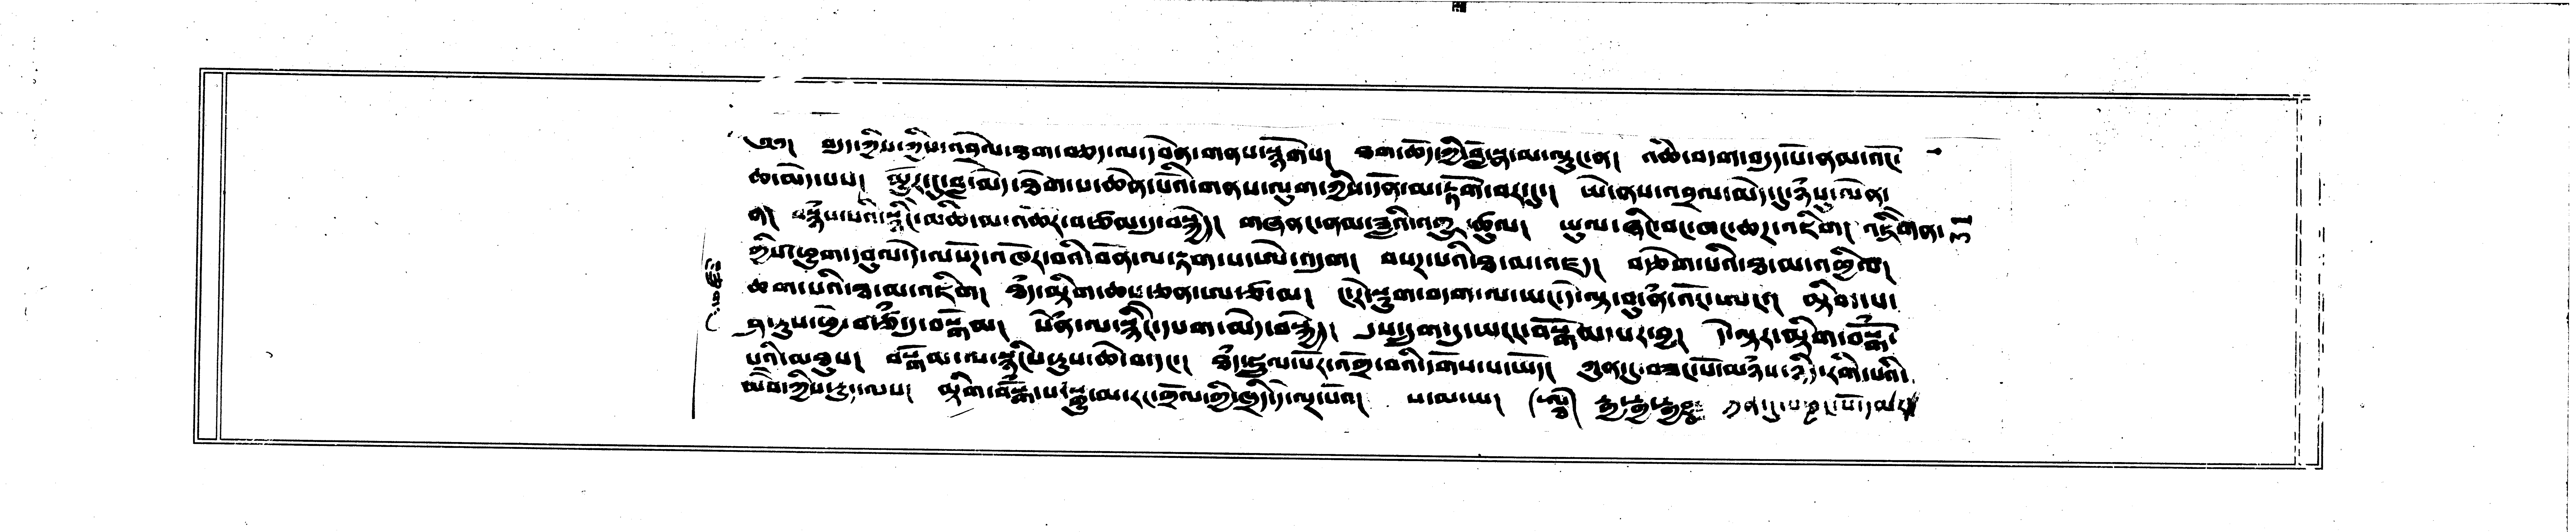བདུད་ཀྱི་འབྲེལ་ཐག་བཅད་ལ་དབེན་གནས་སྙོགས། ཐག་ཆོད་ཀྱི་བློ་སྣ་མ་ལྟུང་ན། འཆི་བདག་བདུད་པོ་ནམ་ཡོང་
ཆ་མེད་པས། མྱུར་དུ་བླ་མེད་ཐེག་པ་ཆེན་པོའི་གནས་ལུགས་ཀྱི་དོན་མ་རྟོགས་བར་དུ། ཡེ་ནས་འབྲལ་མེད་དུ་ཉམས་སུ་ལེན་
ན། སྙམ་པའི་སྙིང་རྗེ་མཆི་མ་འཆོར་བ་ཙམ་དུ་བསྐྱེད། གཞན་ཡང་ནམ་ཟླའི་འགྱུར་ཚུལ། ཡུལ་ཞིང་བང་ཁང་འཇིག འཇིག་རྟེན་གྱི་
ཕྱུག་དབུལ་དེ་ལ་སོགས་འཁོར་བའི་བོན་ལ་རྟག་པ་ཨེ་འདུག བསགས་པའི་ཐ་མ་འཛད། བརྩེགས་པའི་ཐ་མ་འགྱེལ། 
ཆགས་པའི་ཐ་མ་འཇིག ཐམས་ཅད་མི་རྟག་ཆས་ཅན་ཨ་ཙ་མ། ང་རེ་སྡུག བདག་ལ་དེ་ལྟ་བུ་ནམ་འོང་ཨང་། མི་རྟག་པ་
ཤ་རུས་ཕྱེ་བ་ཙམ་དུ་བསྒོམ། སེམས་ཅན་ལ་སྙིང་རྗེ་དཔག་མེད་བསྐྱེད། དུས་དྲུག་ཏུ་ཡང་ཡང་བསྒོམ་པར་བྱ། དེ་ལྟར་མི་རྟག་བསྒོམ་
པའི་མཐུས། བསྒོམ་ལ་སྙིང་རུས་ཆེ་བ་དང་། ཐམས་ཅད་ཧྲུལ་པོར་འགྲོ་བའི་དགོས་པ་ཡོད། ཀུན་ཏུ་བཟང་པོ་མཉམ་ཉིད་རིག་པའི་
ཡེ་ཤེས་ཀྱི་རྒྱུད་ལས། མི་རྟག་བསྒོམ་པ་སྒྱུ་མ་རང་གྲོལ་གྱི་ཁྲིད་དེ་ལྔ་པའོ། །ས་མ་ཡ། ༼ཨྠ༽རྒྱ་རྒྱ་རྒྱ། ཀུན་ཏུ་བཟང་པོ་དམར་